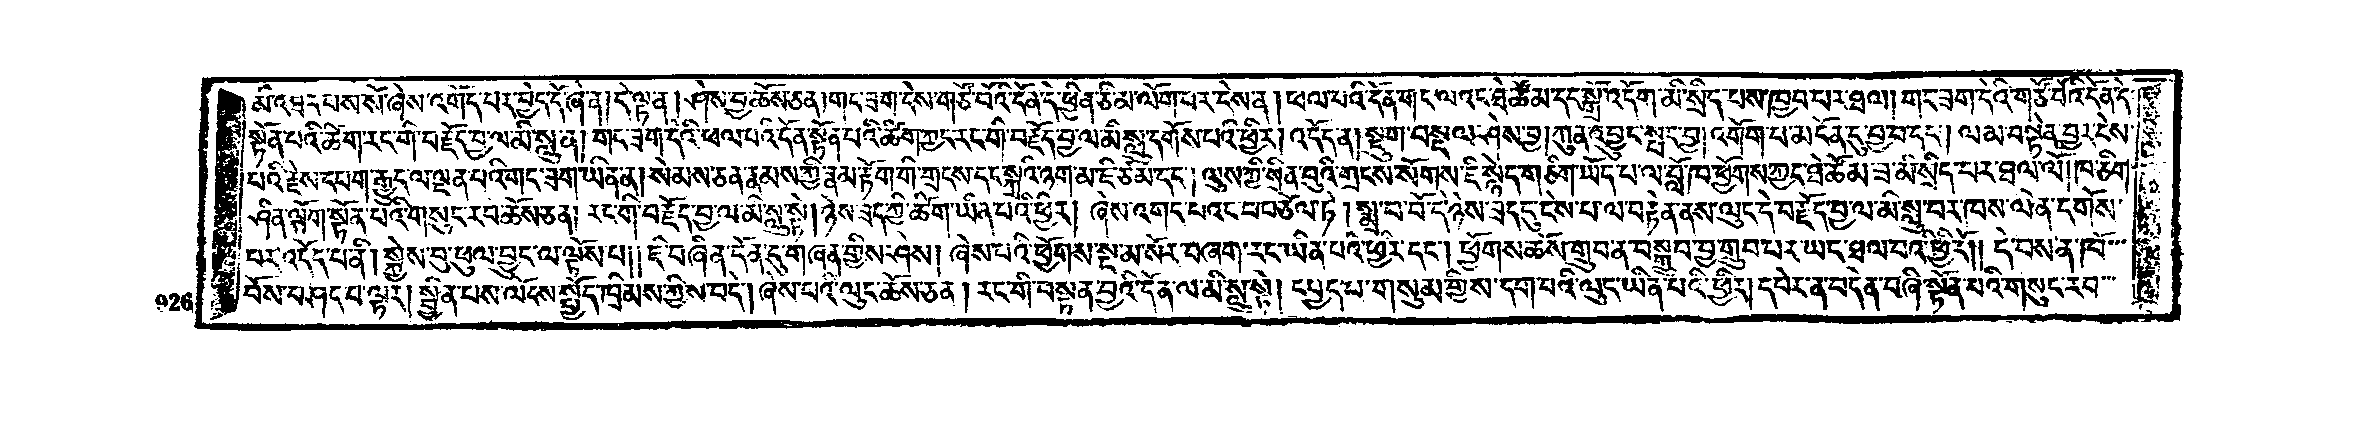མི་འཐད་པས་སོ་ཞེས་འགོད་པར་བྱེད་དོ་ཞེ་ན། དེ་ལྟ་ན། ཤེས་བྱ་ཆོས་ཅན། གང་ཟག་དེས་གཙོ་བོའི་དོན་དེ་ཕྱིན་ཅི་མ་ལོག་པར་ངེས་ན། ཕལ་པའི་དོན་གང་ལའང་ཐེ་ཚོམ་དང་སྒྲོ་འདོག་མི་སྲིད་པས་ཁྱབ་པར་ཐལ། གང་ཟག་དེའི་གཙོ་བོའི་དོན་དེ་
སྟོན་པའི་ཚིག་རང་གི་བརྗོད་བྱ་ལ་མི་སླུ་ན། གང་ཟག་དེའི་ཕལ་པའི་དོན་སྟོན་པའི་ཚིག་ཀྱང་རང་གི་བརྗོད་བྱ་ལ་མི་སླུ་དགོས་པའི་ཕྱིར། འདོད་ན། སྡུག་བསྔལ་ཤེས་བྱ། ཀུན་འབྱུང་སྤང་བྱ། འགོག་པ་མངོན་དུ་བྱ་བ་དང་། ལམ་བསྟེན་བྱར་ངེས་
པའི་རྗེས་དཔག་རྒྱུད་ལ་ལྡན་པའི་གང་ཟག་ཡིན་ན། སེམས་ཅན་རྣམས་ཀྱི་རྣམ་རྟོག་གི་གྲངས་དང་སྐྲའི་ཉག་མ་ཇི་ཙམ་དང་། ལུས་ཀྱི་སྲིན་བུའི་གྲངས་སོགས་ཇི་སྙེད་གཅིག་ཡོད་པ་ལ་བློ་ཁ་ཕྱོགས་ཀྱང་ཐེ་ཚོམ་ཟ་མི་སྲིད་པར་ཐལ་ལོ། །ཁ་ཅིག་
ཤིན་ལྐོག་སྟོན་པའི་གསུང་རབ་ཆོས་ཅན། རང་གི་བརྗོད་བྱ་ལ་མི་སླུ་སྟེ། ཉེས་ཟད་ཀྱི་ཚིག་ཡིན་པའི་ཕྱིར། ཞེས་འགོད་པའང་བབ་ཅོལ་ཏེ། སྨྲ་བ་པོ་དེ་ཉེས་ཟད་དུ་ངེས་པ་ལ་བརྟེན་ནས་ལུང་དེ་བརྗོད་བྱ་ལ་མི་སླུ་བར་ཁས་ལེན་དགོས་
པར་འདོད་པ་ནི། སྐྱེས་བུ་ཕུལ་བྱུང་ལ་ལྟོས་པ། །ཇི་བཞིན་དོན་དུ་གཞན་གྱིས་ཤེས། ཞེས་པའི་ཕྱོགས་སྔ་མ་སོར་བཞག་རང་ཡིན་པའི་ཕྱིར་དང་། ཕྱོགས་ཆོས་གྲུབ་ན་བསྒྲུབ་བྱ་གྲུབ་པར་ཡང་ཐལ་བའི་ཕྱིར་རོ། །དེ་བས་ན་ཁོ་
བོས་བཤད་པ་ལྟར། སྦྱིན་པས་ལོངས་སྤྱོད་ཁྲིམས་ཀྱིས་བདེ། ཞེས་པའི་ལུང་ཆོས་ཅན། རང་གི་བསྟན་བྱའི་དོན་ལ་མི་སླུ་སྟེ། དཔྱད་པ་གསུམ་གྱིས་དག་པའི་ལུང་ཡིན་པའི་ཕྱིར། དཔེར་ན་བདེན་བཞི་སྟོན་པའི་གསུང་རབ་